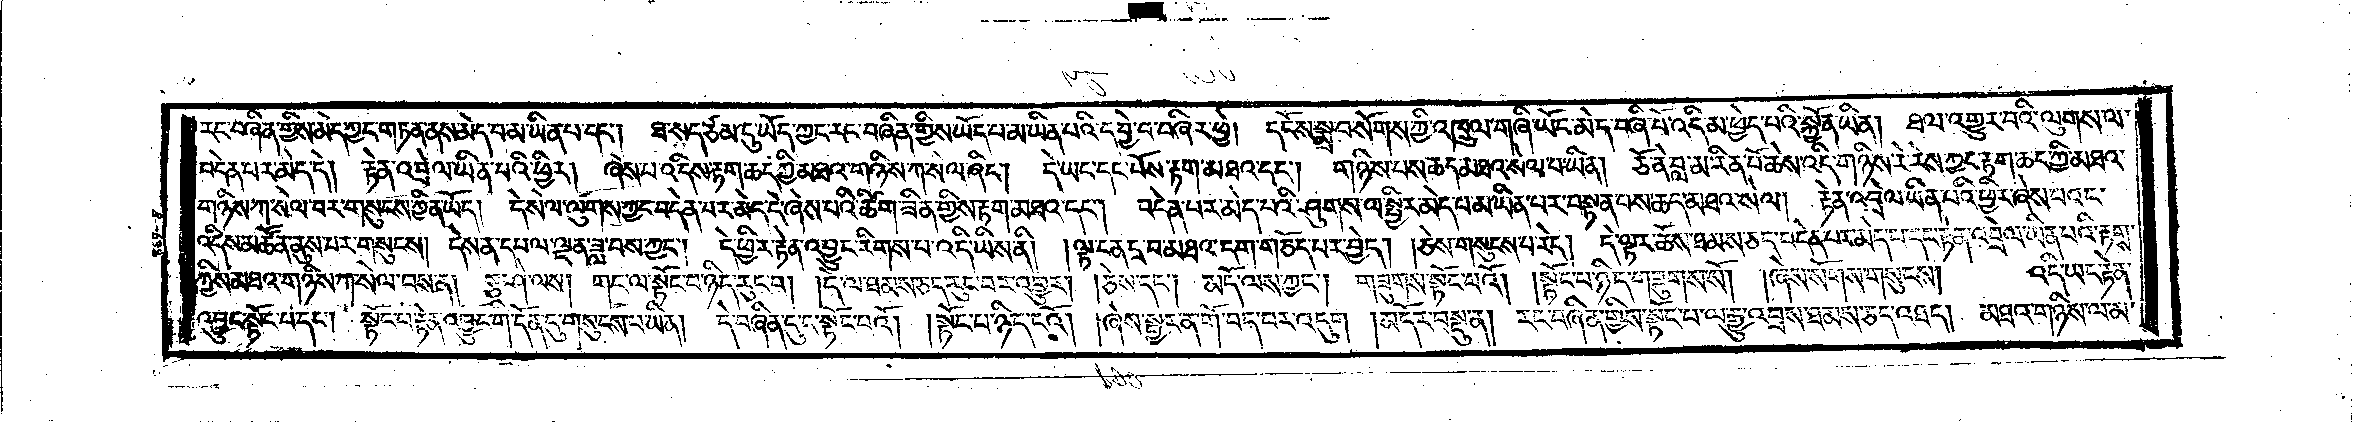རང་བཞིན་གྱིས་མེད་ཀྱང་གཏན་ནས་མེད་པ་མ་ཡིན་པ་དང་། ཐ་སྙད་ཙམ་དུ་ཡོད་ཀྱང་རང་བཞིན་གྱིས་ཡོད་པ་མ་ཡིན་པའི་དབྱེ་བ་བཞིར་ཕྱེ། དངོས་སྨྲ་བ་སོགས་ཀྱི་འཁྲུལ་གཞི་ཡོད་མེད་བཞི་པོ་འདི་མ་ཕྱེད་པའི་སྐྱོན་ཡིན། ཐལ་འགྱུར་བའི་ལུགས་ལ་
བདེན་པར་མེད་དེ། རྟེན་འབྲེལ་ཡིན་པའི་ཕྱིར། ཞེས་པ་འདིས་རྟག་ཆད་ཀྱི་མཐའ་གཉིས་ཀ་སེལ་ཞིང་། དེ་ཡང་དང་པོས་རྟག་མཐའ་དང་། གཉིས་པས་ཆད་མཐའ་སེལ་བ་ཡིན། ཅོ་ནེ་བླ་མ་རིན་པོ་ཆེས་འདི་གཉིས་རེ་རེས་ཀྱང་རྟག་ཆད་ཀྱི་མཐའ་
གཉིས་ཀ་སེལ་བར་གསུངས་ཀྱིན་ཡོད། དེ་སེལ་ལུགས་ཀྱང་བདེན་པར་མེད་དེ་ཞེས་པའི་ཚིག་ཟིན་གྱིས་རྟག་མཐའ་དང་། བདེན་པར་མེད་པའི་ཤུགས་ལ་སྤྱིར་མེད་པ་མ་ཡིན་པར་བསྟན་པས་ཆད་མཐའ་སེལ། རྟེན་འབྲེལ་ཡིན་པའི་ཕྱིར་ཞེས་པའང་
འདིས་མཚོན་ནུས་པར་གསུངས། དེས་ན་དཔལ་ལྡན་ཟླ་བས་ཀྱང་། དེ་ཕྱིར་རྟེན་འབྱུང་རིགས་པ་འདི་ཡིས་ནི། །ལྟ་ངན་དྲ་བ་མཐའ་དག་གཅོད་པར་བྱེད། །ཅེས་གསུངས་པ་རེད། དེ་ལྟར་ཆོས་ཐམས་ཅད་བདེན་པར་མེད་པ་དང་རྟེན་འབྲེལ་ཡིན་པའི་རྟགས་
ཀྱིས་མཐའ་གཉིས་ཀ་སེལ་བས་ན། རྩ་ཤེ་ལས། གང་ལ་སྟོང་པ་ཉིད་རུང་བ། །དེ་ལ་ཐམས་ཅད་རུང་བར་འགྱུར། །ཅེས་དང་། མདོ་ལས་ཀྱང་། གཟུགས་སྟོང་པའོ། །སྟོང་པ་ཉིད་གཟུགས་སོ། །ཞེས་སོགས་གསུངས། འདི་ཡང་རྟེན་
འབྱུང་སྟོང་པ་དང་། སྟོང་པ་རྟེན་འབྱུང་གི་དོན་དུ་གསུངས་པ་ཡིན། དེ་བཞིན་དུ་ང་སྟོང་པའོ། །སྟོང་པ་ཉིད་ངའོ། །ཞེས་སྦྱར་ན་གོབད་བར་འདུག །མདོར་བསྡུ་ན། རང་བཞིན་གྱིས་སྟོང་པ་ལ་རྒྱུ་འབྲས་ཐམས་ཅད་འཐད། མཐའ་གཉིས་ལ་མ་